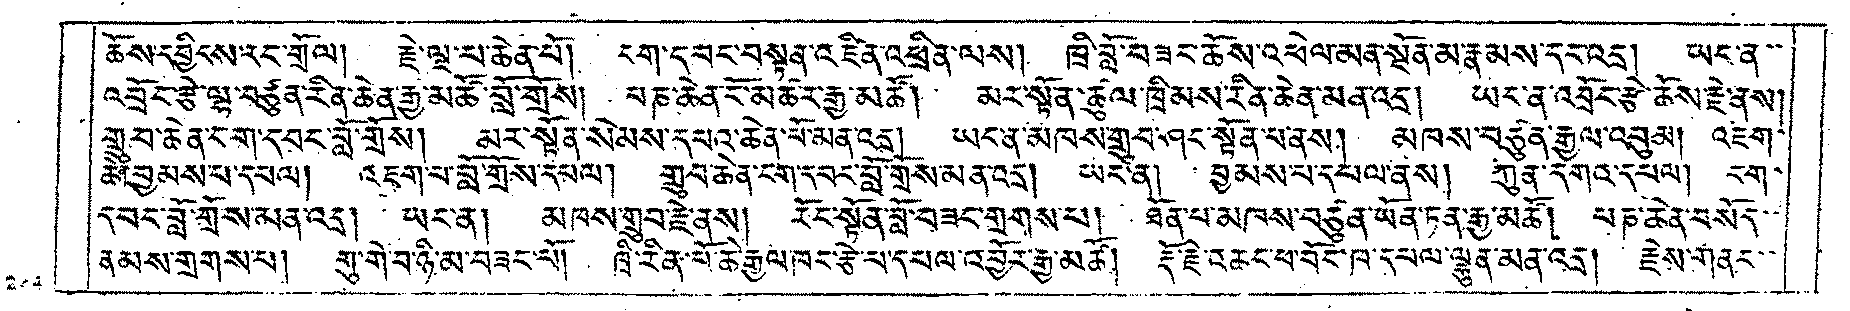ཆོས་དབྱིངས་རང་གྲོལ། རྗེ་ལྔ་པ་ཆེན་པོ། ངག་དབང་བསྟན་འཛིན་འཕྲིན་ལས། ཁྲི་བློ་བཟང་ཆོས་འཕེལ་མན་སྔོན་མ་རྣམས་དང་འདྲ། ཡང་ན་
འབྲོང་རྩེ་ལྷ་བཙུན་རིན་ཆེན་རྒྱ་མཚོ་བློ་གྲོས། པཎ་ཆེན་ངོ་མཚར་རྒྱ་མཚོ། མར་སྟོན་ཚུལ་ཁྲིམས་རིན་ཆེན་མན་འདྲ། ཡང་ན་འབྲོང་རྩེ་ཆོས་རྗེ་ནས།
གྲུབ་ཆེན་ངག་དབང་བློ་གྲོས། མར་སྟོན་སེམས་དཔའ་ཆེན་པོ་མན་འདྲ། ཡང་ན་མཁས་གྲུབ་ཤང་སྟོན་པ་ནས། མཁས་བཙུན་རྒྱལ་འབུམ། འཇག་
ཆེན་བྱམས་པ་དཔལ། འཇག་པ་བློ་གྲོས་དཔལ། གྲུབ་ཆེན་ངག་དབང་བློ་གྲོས་མན་འདྲ། ཡང་ན། བྱམས་པ་དཔལ་ནས། ཀུན་དགའ་དཔལ། ངག་
དབང་བློ་གྲོས་མན་འདྲ། ཡང་ན། མཁས་གྲུབ་རྗེ་ནས། རོང་སྟོན་བློ་བཟང་གྲགས་པ། ཐོན་པ་མཁས་བཙུན་ཡོན་ཏན་རྒྱ་མཚོ། པཎ་ཆེན་བསོད་
ནམས་གྲགས་པ། གུ་གེ་བ་ཉི་མ་བཟང་པོ། ཁྲི་རིན་པོ་ཆེ་རྒྱལ་ཁང་རྩེ་པ་དཔལ་འབྱོར་རྒྱ་མཚོ། རྡོ་རྗེ་འཆང་ཕ་བོང་ཁ་དཔལ་ལྷུན་མན་འདྲ། རྗེས་གནང་